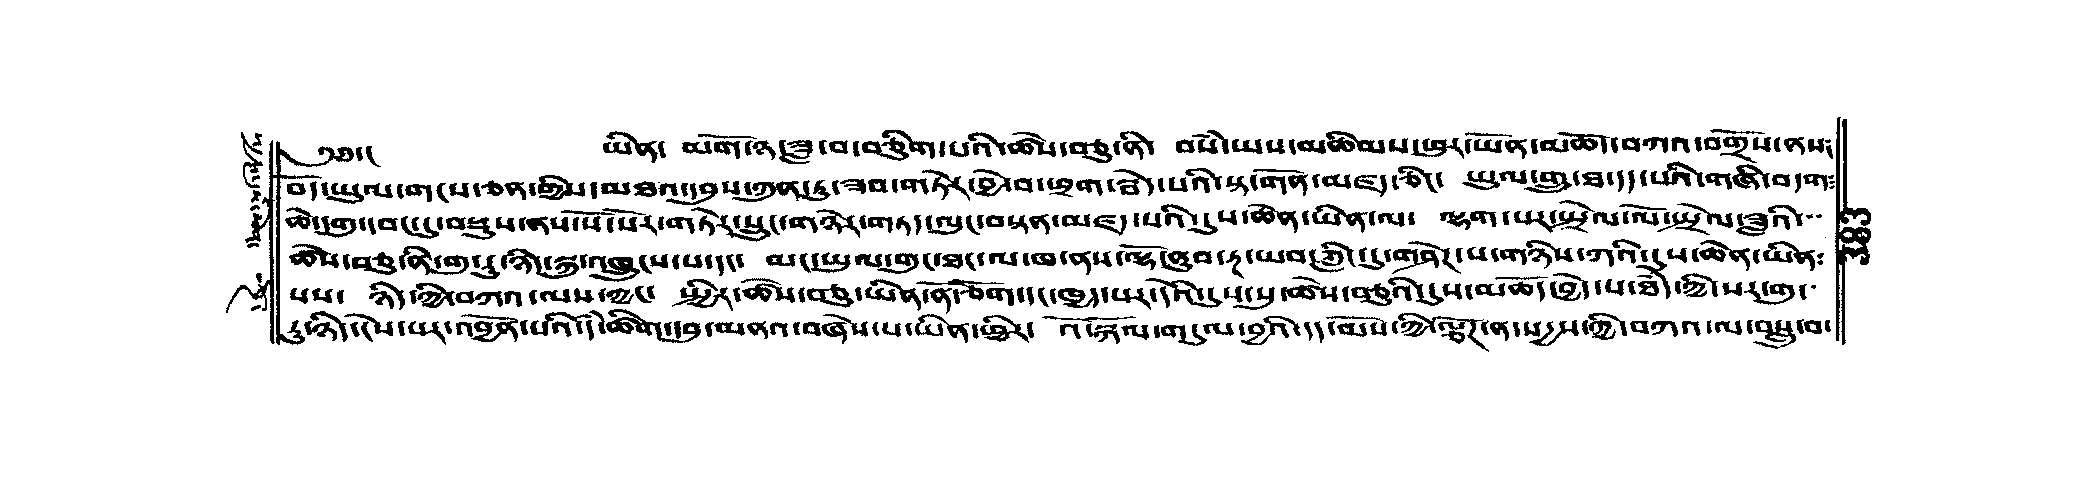ཡིན། མགོ་ཉ་ཟླ་བ་བཅུ་གཅིག་པའི་ཚེས་བཅུ་ནི། བསམ་ཡས་མཆིམས་ཕུར་ཡོན་མཆོད་བཀའ་བགྲོས་ནས་
བོད་ཡུལ་གངས་ཅན་གྱིས་མཐའ་དབུས་ཀུན་ཏུ་ཟབ་གཏེར་བྱེ་བ་ཕྲག་སྦེད་པའི་སྟ་གོན་མཛད་ཅིང་། ཡུལ་གྲུ་ཐ་དད་པའི་གཞི་བདག་
ཆེ་དགུ་དབང་དུ་བསྡུས་ནས་སོ་སོར་གཏེར་སྲུང་གཉེར་གཏད་ལུང་བསྟན་མཛད་པའི་དུས་ཆེན་ཡིན་
ལ། ལྷག་པར་སྤྲེལ་ལོ་སྤྲེལ་ཟླའི་ཚེས་བཅུ་ནི་གུ་རུ་ཉིད་སྐུ་འཁྲུངས་པ་དང་། མང་ཡུལ་གུང་ཐང་ལ་ཁ་ནས་ལྷོ་ནུབ་རྔ་ཡབ་གླིང་དུ་གཤེགས་པ་གཉིས་ཀའི་དུས་ཆེན་ཡིན་
པས། ཉིད་ཀྱི་བཀའ་ལས་ཀྱང་། སྤྱིར་ཚེས་བཅུ་ཡིན་ནོ་ཅོག་དང་ཁྱད་པར་དེའི་དུས་སུ་ཚེས་བཅུའི་དུས་མཆོད་བྱེད་པ་ཐམས་ཅད་ཀྱི་སར་གུ་
རུ་ཉིད་ངེས་པར་འབྱོན་པའི་དམ་ཚིག་དབུ་མནའ་བཞེས་པ་ཡིན་ཕྱིར།འོ་སྐོལ་གདུལ་བྱའི་དད་མོས་ཀྱི་ལྕོགས་ན་སངས་རྒྱས་ཀྱི་བཀའ་ལ་བསླུ་བ་